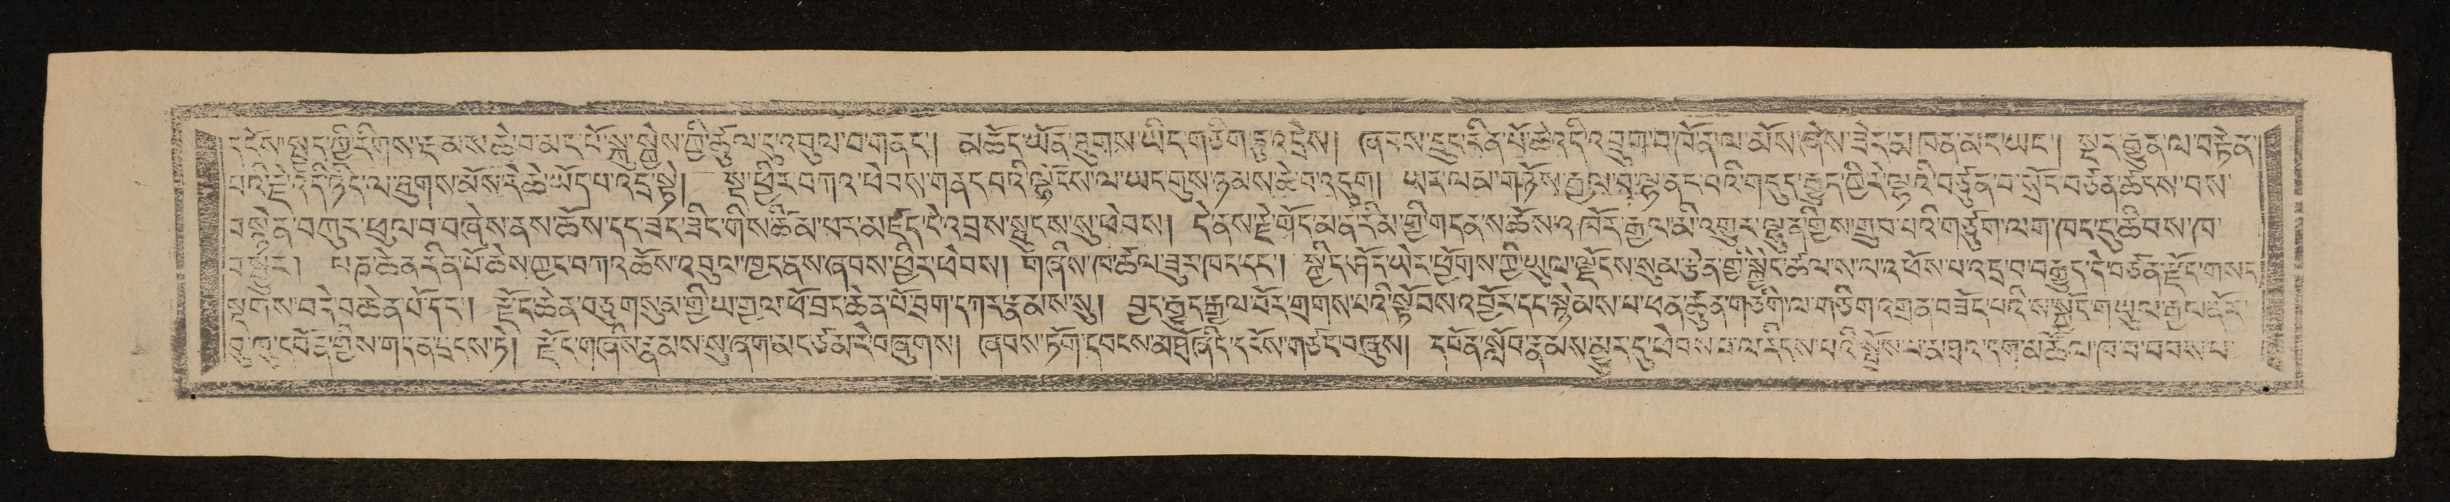དངོས་སྤྱད་ཀྱི་རིགས་རྔམས་ཆེ་བ་མང་པོ་སྐུ་སྐྱེས་ཀྱི་ཚུལ་དུ་འབུལ་བ་གནང་། མཆོད་ཡོན་ཐུགས་ཡིད་གཅིག་ཏུ་འདྲེས། ཞབས་དྲུང་རིན་པོ་ཆེ་འདི་འབྲུག་པ་ཁོ་ན་ལ་མོས་ཞེས་ཟེར་མཁན་མང་ཡང་། སྔར་རྒྱུན་ལ་བརྟེན་
བའི་རྗེ་འདི་ཉིད་ལ་ཐུགས་མོས་རེ་ཆེ་ཡོད་བ་འདྲ་སྟེ། སྔ་ཕྱིར་བཀའ་ཕེབས་གནང་བའི་ལྷོངས་ལ་ཡང་གུས་ཉམས་ཆེ་བ་འདུག། ཡར་ལམ་གཉོས་རྒྱལ་བ་ལྷ་ནང་བའི་གདུང་རྒྱུད་ཀྱེ་རེ་ལྷའི་བཙུན་པ་སྲོང་བཙན་ཚངས་པས་
བསྙེན་བཀུར་ཕུལ་བ་བཞེས་ནས་ཆོས་དང་ཟང་ཟིང་གིས་ཚིམ་པར་མཛད་དེ་འབྲས་སྤུངས་སུ་ཕེབས། དེ་ནས་རྗེ་གོང་མ་ན་རིམ་གྱི་གདན་ས་ཆོས་འཁོར་རྒྱལ་མི་འགྱུར་ལྷུན་གྱིས་གྲུབ་བའི་གཙུག་ལག་ཁང་དུ་ཆིབས་ཁ་
བསྒྱུར། པཎ་ཆེན་རིན་པོ་ཆེས་ཀྱང་བཀའ་ཆོས་འབུལ་ཁྱད་ནས་ཞབས་ཕྱིར་ཕེབས། གཞིས་ཁ་ཚལ་ཟུར་ཁང་དང་། སྐྱིད་ཤོད་ཡེར་ཕྱོགས་ཀྱི་ཡུལ་ལྗོངས་སུམ་རྩེན་གྱི་སྐྱེད་ཚལ་ས་ལ་འཕོས་པ་འདྲ་བ་བརྒྱུད་དེ་བཙན་རྫོང་གསང་
སྔགས་བདེ་བ་ཆེན་པོ་དང་། རྫོང་ཆེན་བཅུ་གསུམ་གྱི་ཡ་གྱལ་ཕོ་བྲང་ཆེན་པོ་བྲག་དཀར་རྣམས་སུ། བྱང་རྒྱུད་རྒྱལ་པོར་གྲགས་པའི་སྟོབས་འབྱོར་དང་སྙེམས་པ་ཕན་ཚུན་གཅིག་ལ་གཅིག་འགྲན་བཟོད་པའི་ས་སྐྱོང་གཡུལ་རྒྱལ་ནོར་
བུ་ཁུ་དབོན་གྱིས་གདན་དྲངས་ཏེ། རྫོང་གཞིས་རྣམས་སུ་ཞག་མང་ཙམ་རེ་བཞུགས། ཞབས་ཏོག་དབངས་མཐོ་ཞིང་དངོས་གཙང་བཞུས། དབོན་སློབ་རྣམས་མྱུར་དུ་ཕེབས་པ་ལ་རིངས་པའི་སྤྲོས་པ་མཐའ་དག་མཚོ་ལ་ཁ་བ་བབས་པ་